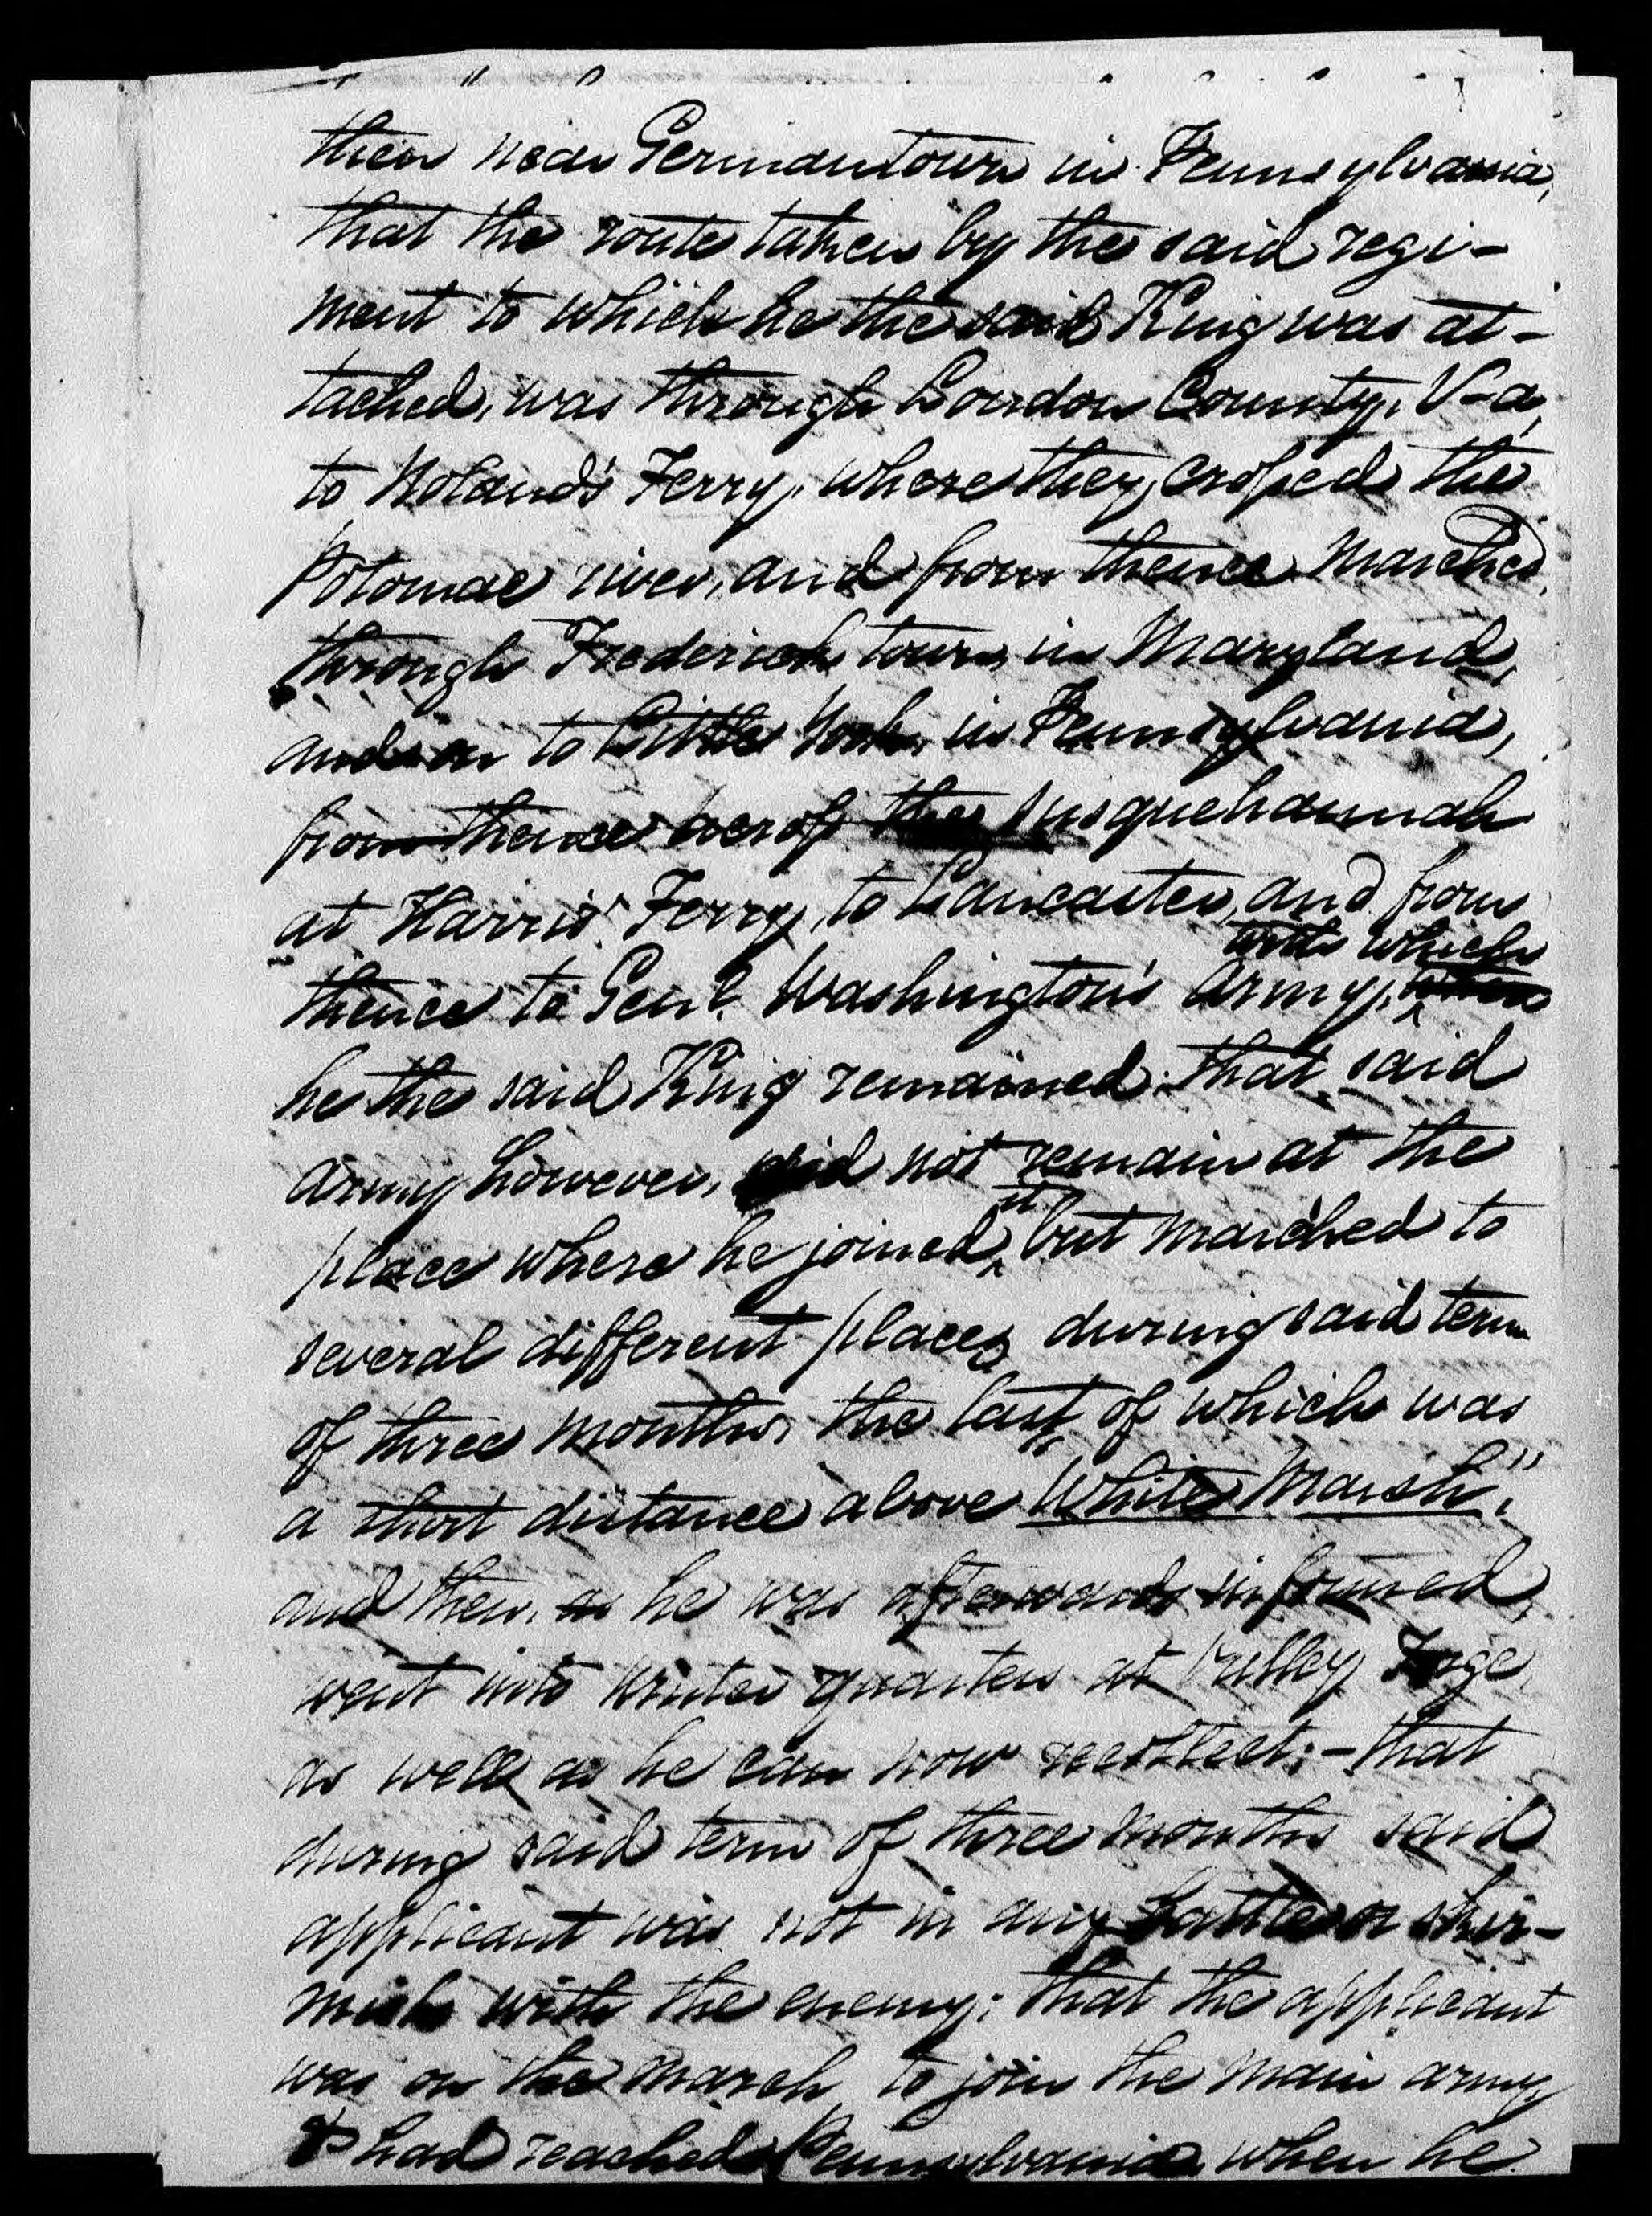[Declaration page 2]

then near Germantown in Pennsylvania that the route taken by the said regiment to which he the said {Gerrard] King was attached, was through Loudon [Loudoun County, Virginia] to Noland's Ferry [Maryland] where they crossed the Potomac river and from thence marched through Frederick town in Maryland and in to Little York in Pennsylvania 

from thence over the Susquehannah [Susquehanna River] at Harris Ferry [Harrisburg, Pennsylvania] to Lancaster
[Pennsylvania]  and from from thence to Genl. [George] Washington's army that which he the said [Gerrard] King remained. That said army however, did not remain at the place where he joined it but marched to several different places during said term of three months the last of which was a short distance above White Marsh [Whitemarsh, Pennsylvania] 

and then he was afterward informed went into winter quarters at Valley Forge [Encampment at Valley Forge, Pennsylvania 1777-78] as well as he can now recollect. That during said term of three months said applicant was not in any battle or skirmish  
with the enemy; that the applicant was on the march to join the main army & had reached Pennsylvania when he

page: 33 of 45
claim: widow's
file: W. 7984, for Gerrard King, Virginia